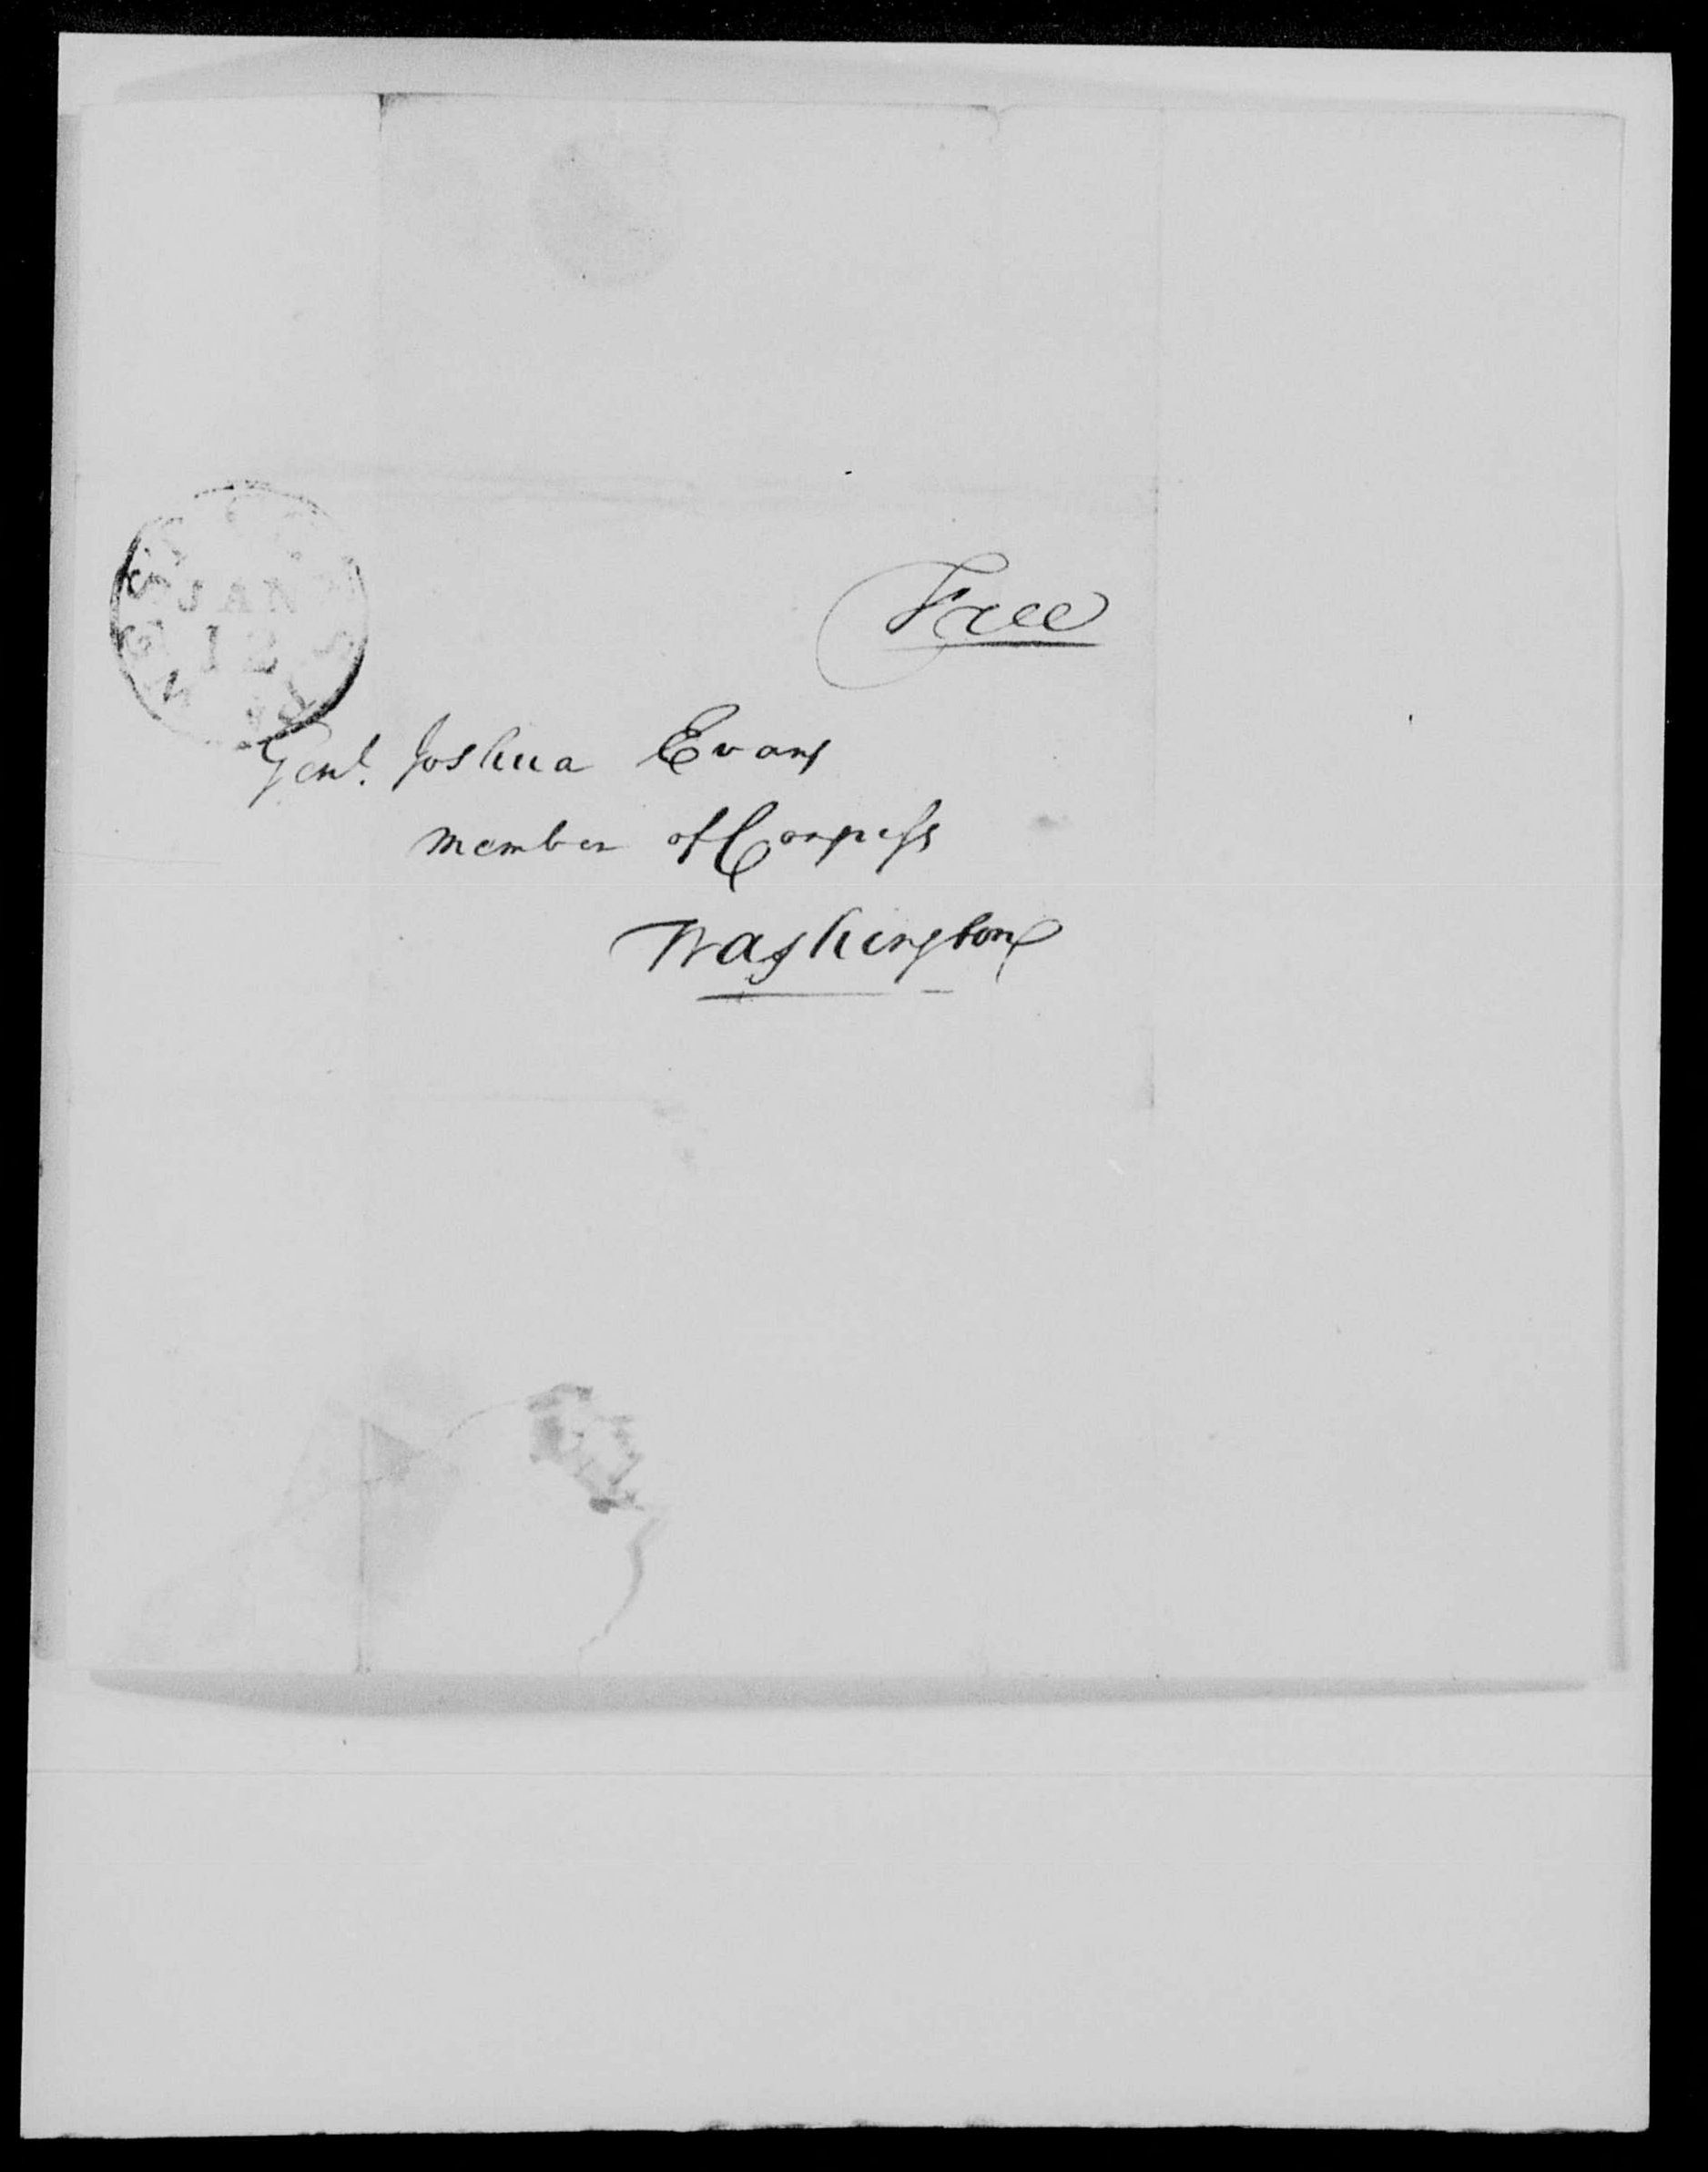[circular stamp] WEST [illegible] JAN 12

Free
Genl. Joshua Evans
Member of Congress
Washington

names: Joshua Evans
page: 44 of 57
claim: survivor's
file: S. 2161, Hezekiah Davies, Penn